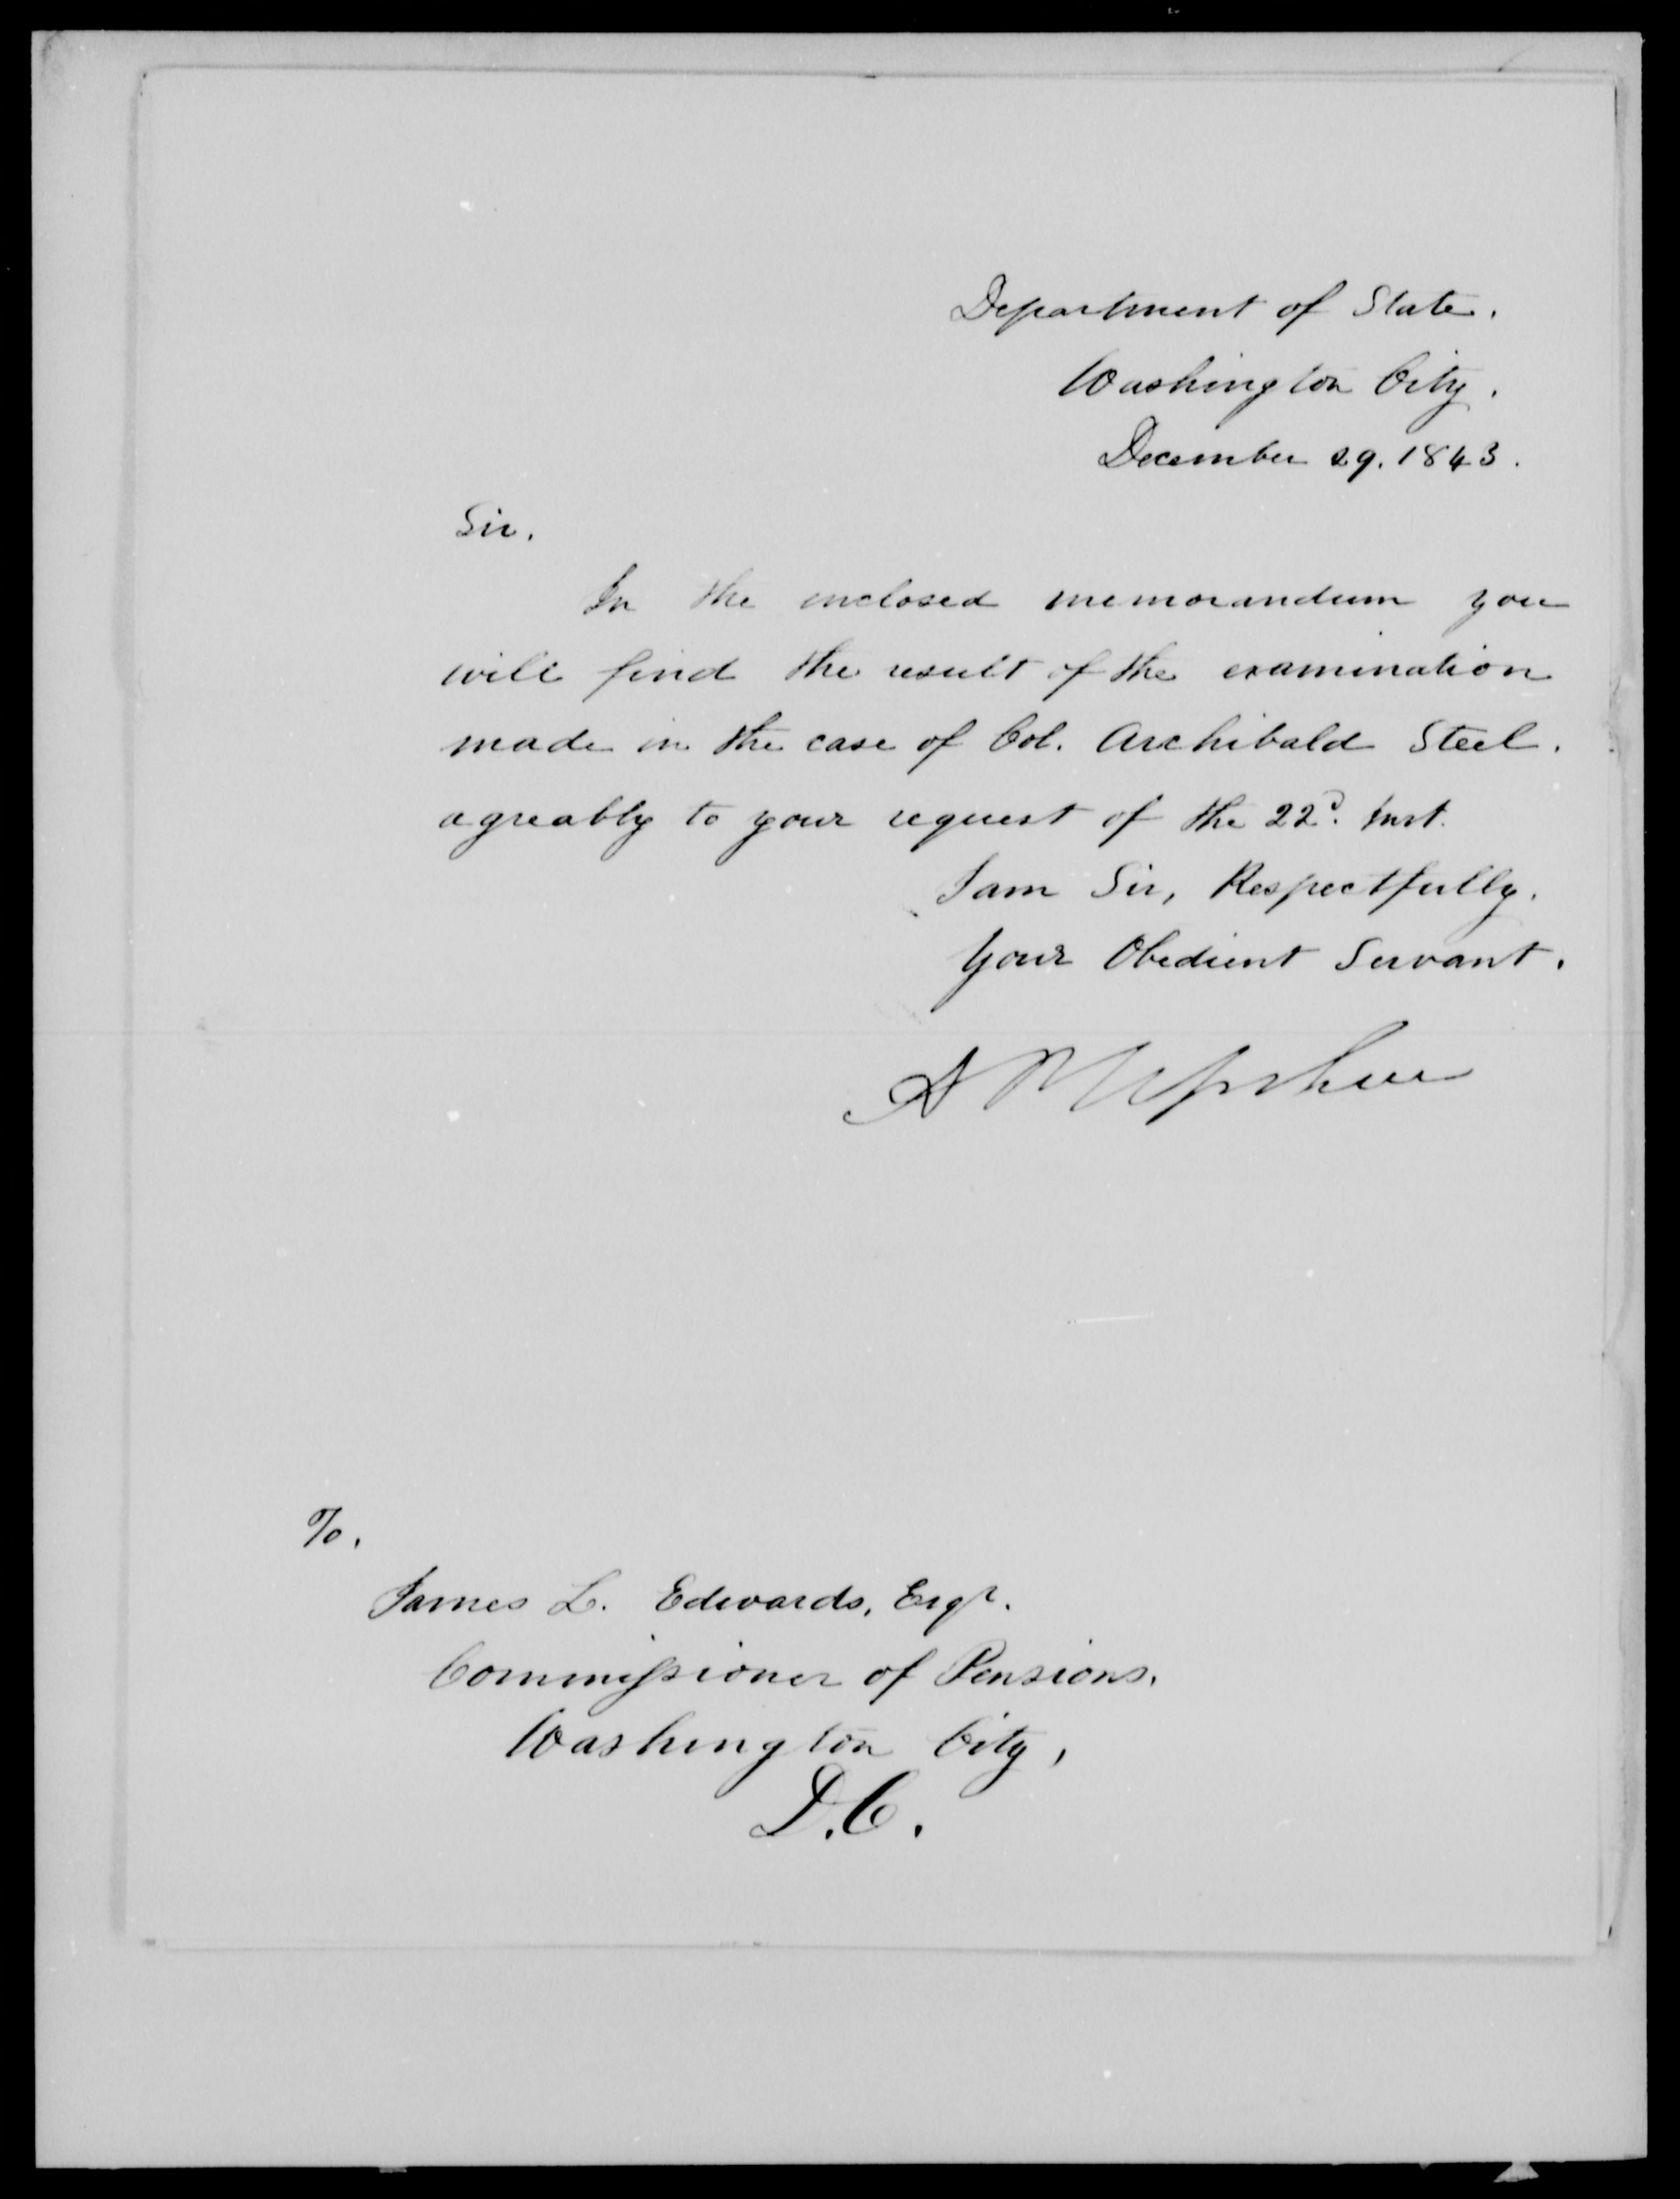Department of State
Washington City
December 29, 1843

Sir,

In the enclosed memorandum, you will find the result of the examination made in the case of Colonel Archibald Steel, agreeably to your request of the 22nd past.

I am Sir, Respectfully, your obedient Servant

A Mephus

TO:
James L Edwards, Esq
Commissioner of Pensions
Washington City, DC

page: 16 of 28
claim: survivor's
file: S. 7601, for Archibald Steel, Pennsylvania